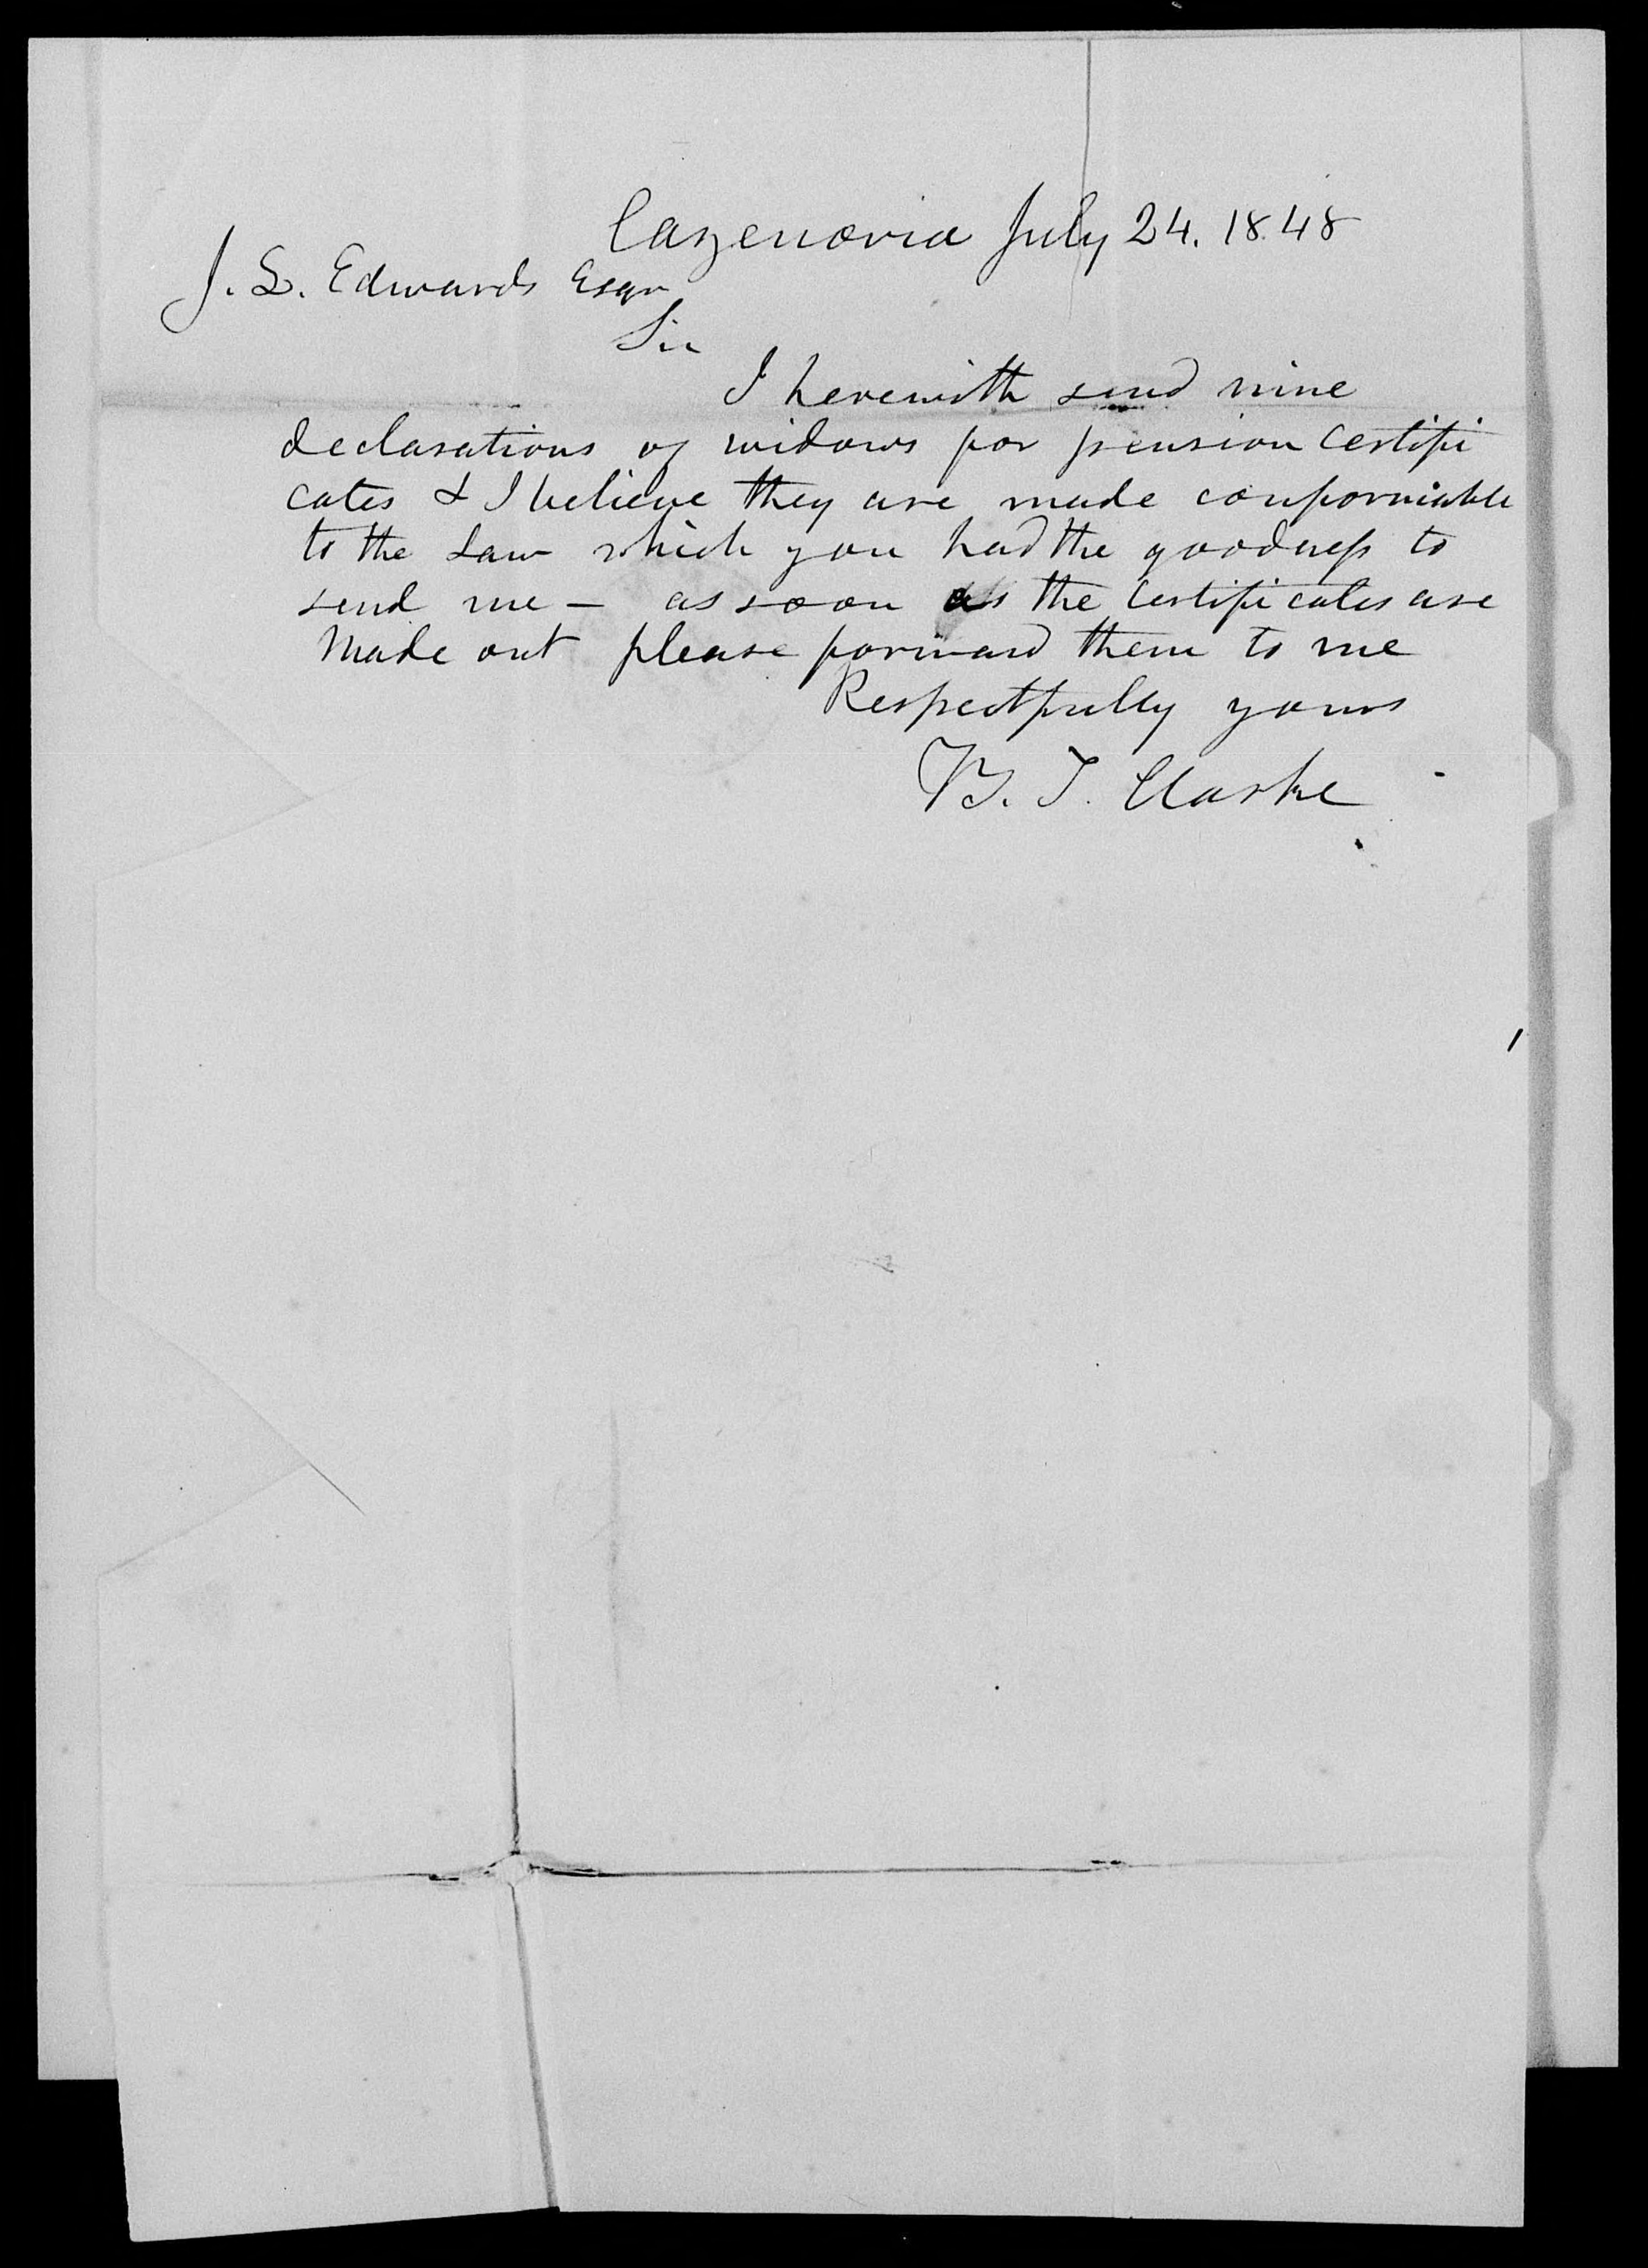Cazenovia July 24, 1848
J. L. Edwards Esqr
Sir
I herewith send nine declarations of widows for pension certificates & I believe they are made conformable to the law which you had the goodness to send me - as soon as the certificates are made out please forward them to me
Respectfully yours
B. T. Clarke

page: 24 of 40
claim: widow's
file: W. 24,615, for Ebenezer Lyon, Connecticut